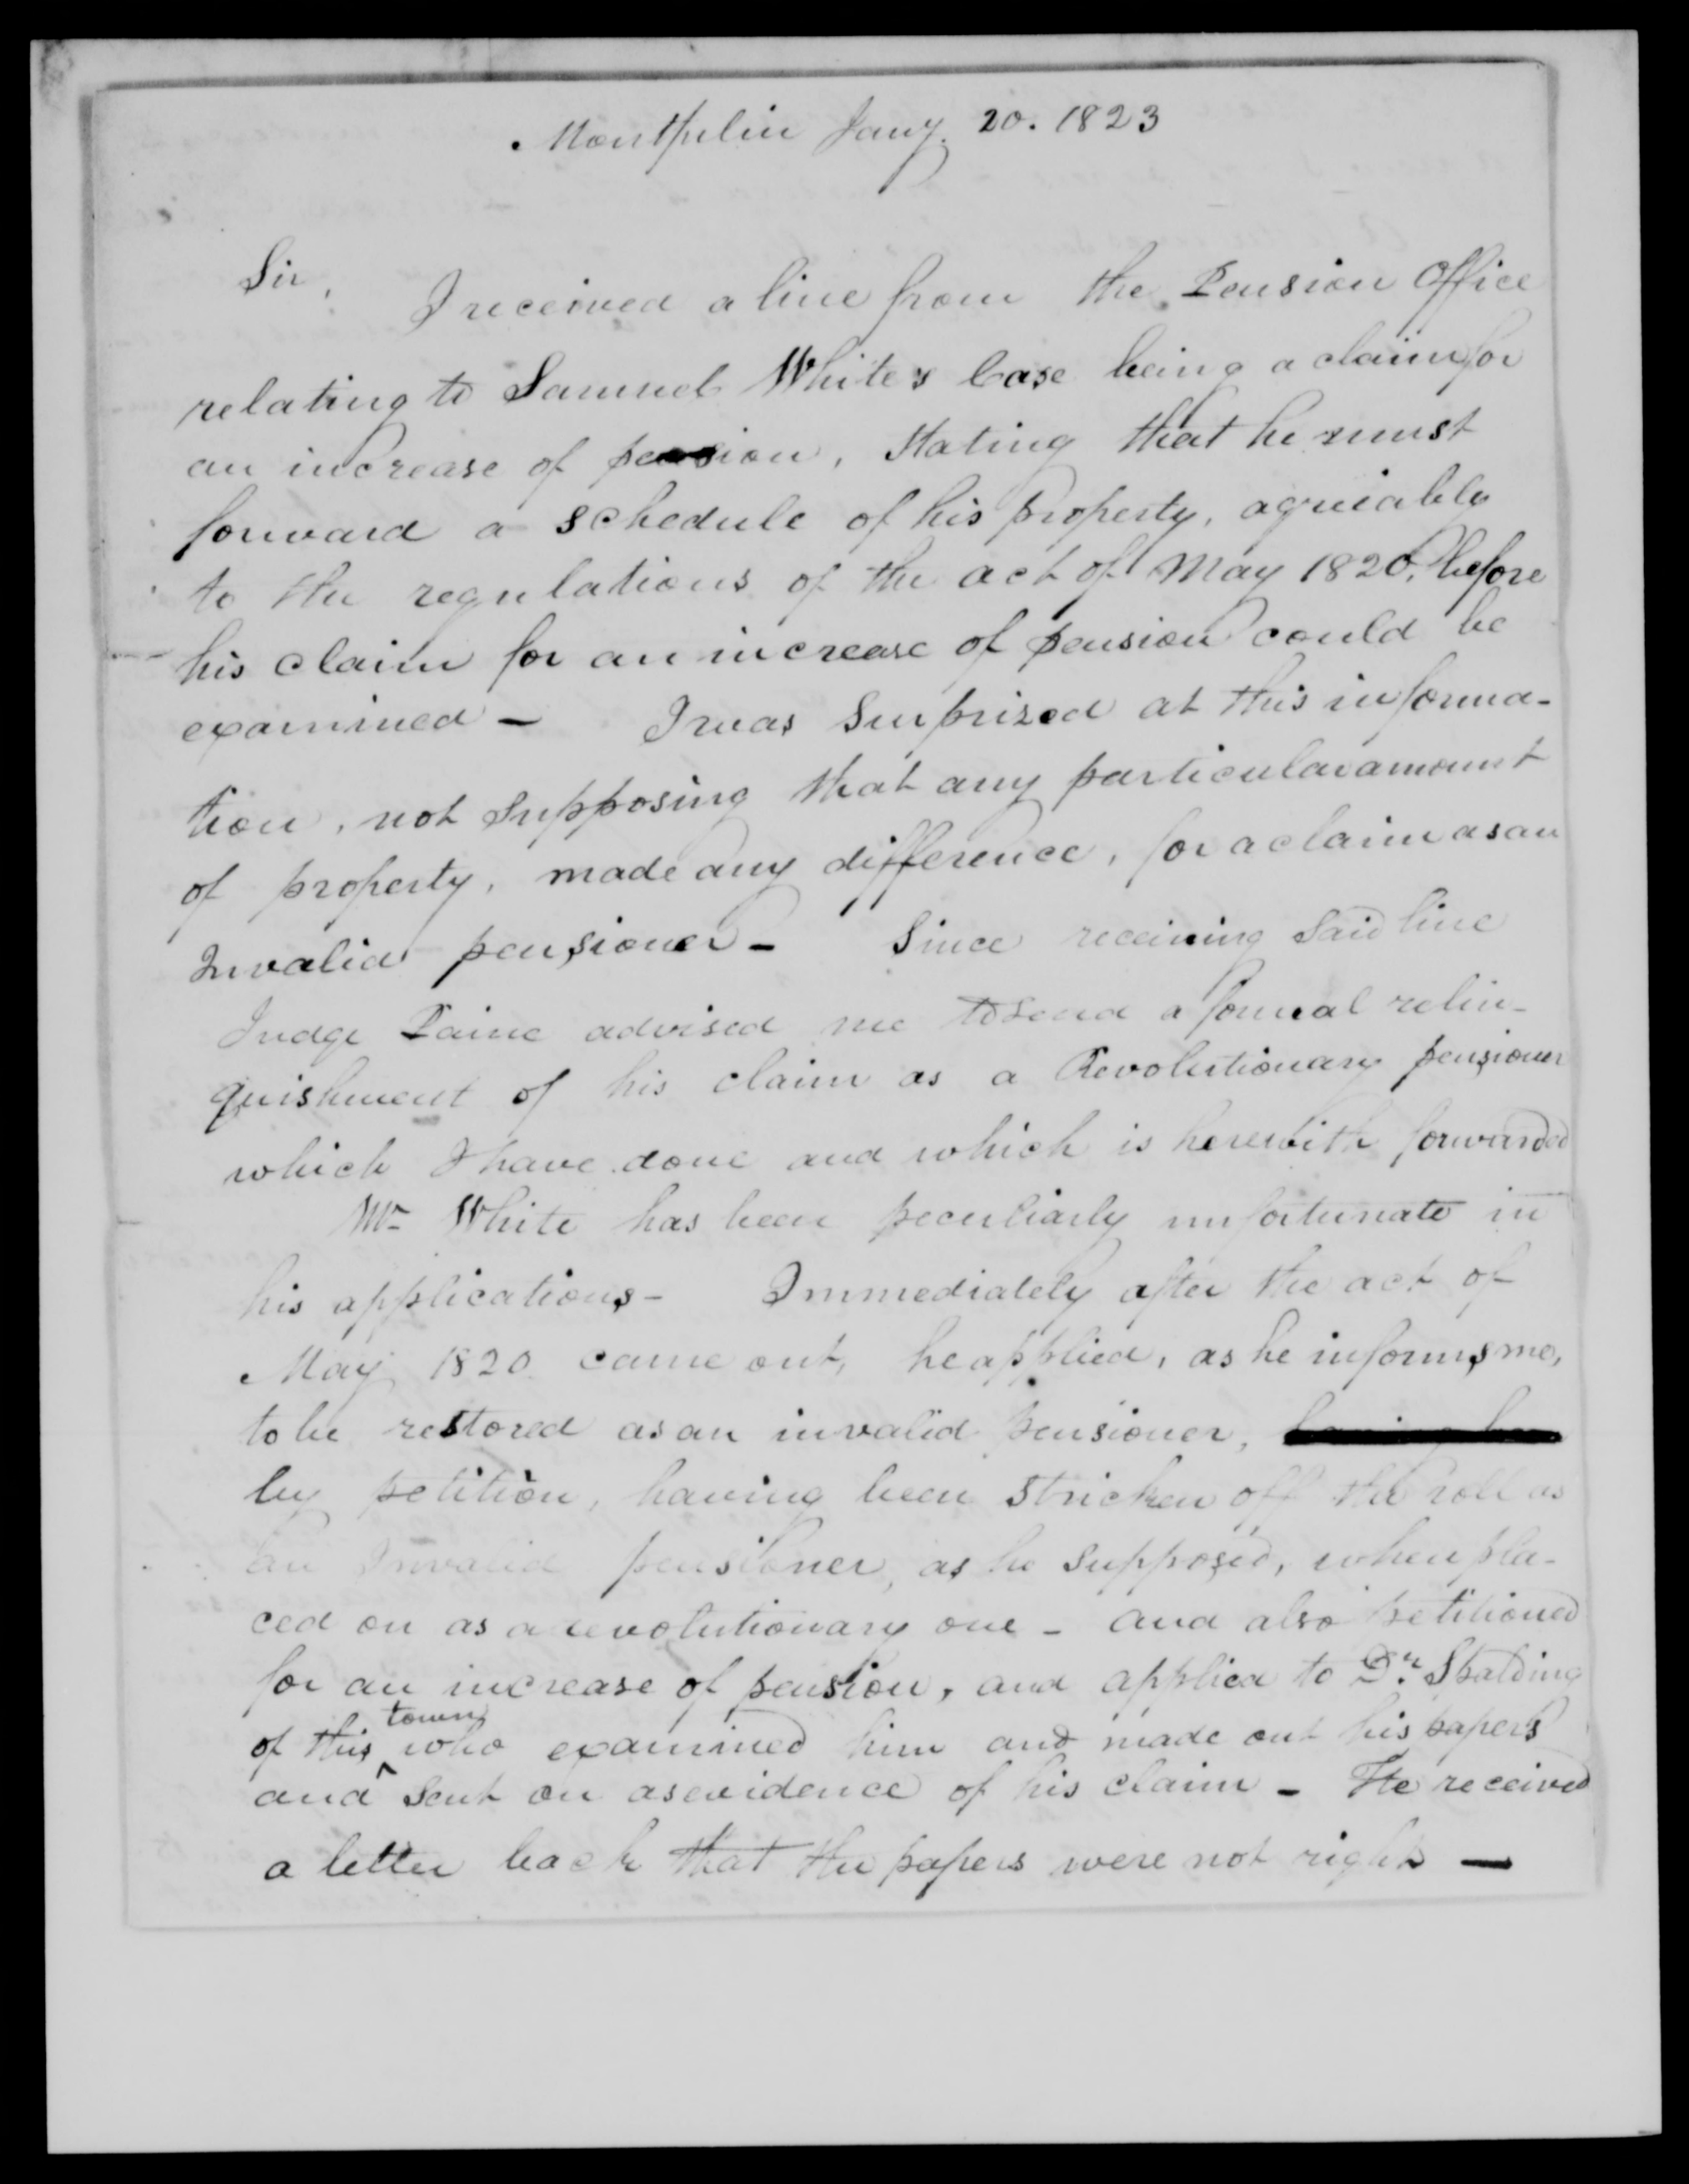Montpelier Jany. 20. 1823
Sir,
I received a line from the Pension Office relating to Samuel White's case being a claim for an increase of pension, stating that he must forward a schedule of his property, agreeable to the regulations of the act of May 1820 before his claim for an increase of pension could be examined. I was surprised at this information not supposing that any particular amount of property made any difference for a claim as an Invalid pensioner. Since receiving said line Judge Paine advised me to send a formal relinquishment of his claim as a Revolutionary pensioner which I have done and which is herewith forwarded.
Mr. White has been peculiarly unfortunate in his applications. Immediately after the act of May 1820 came out, he applied as he informed me, to be restored as an invalid pensioner by petition, having been stricken of the Roll as an invalid pensioner as he supposed when placed on as a revolutionary one. And also petitioned for an increase of Pension, and applied to Dr. Spalding of this town who examined him and made out his papers and sent on as evidence of his claim. He received a letter back that the papers were not right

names: Samuel White, Spalding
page: 41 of 79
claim: survivor's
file: S. 11759, Samuel White, Mass.